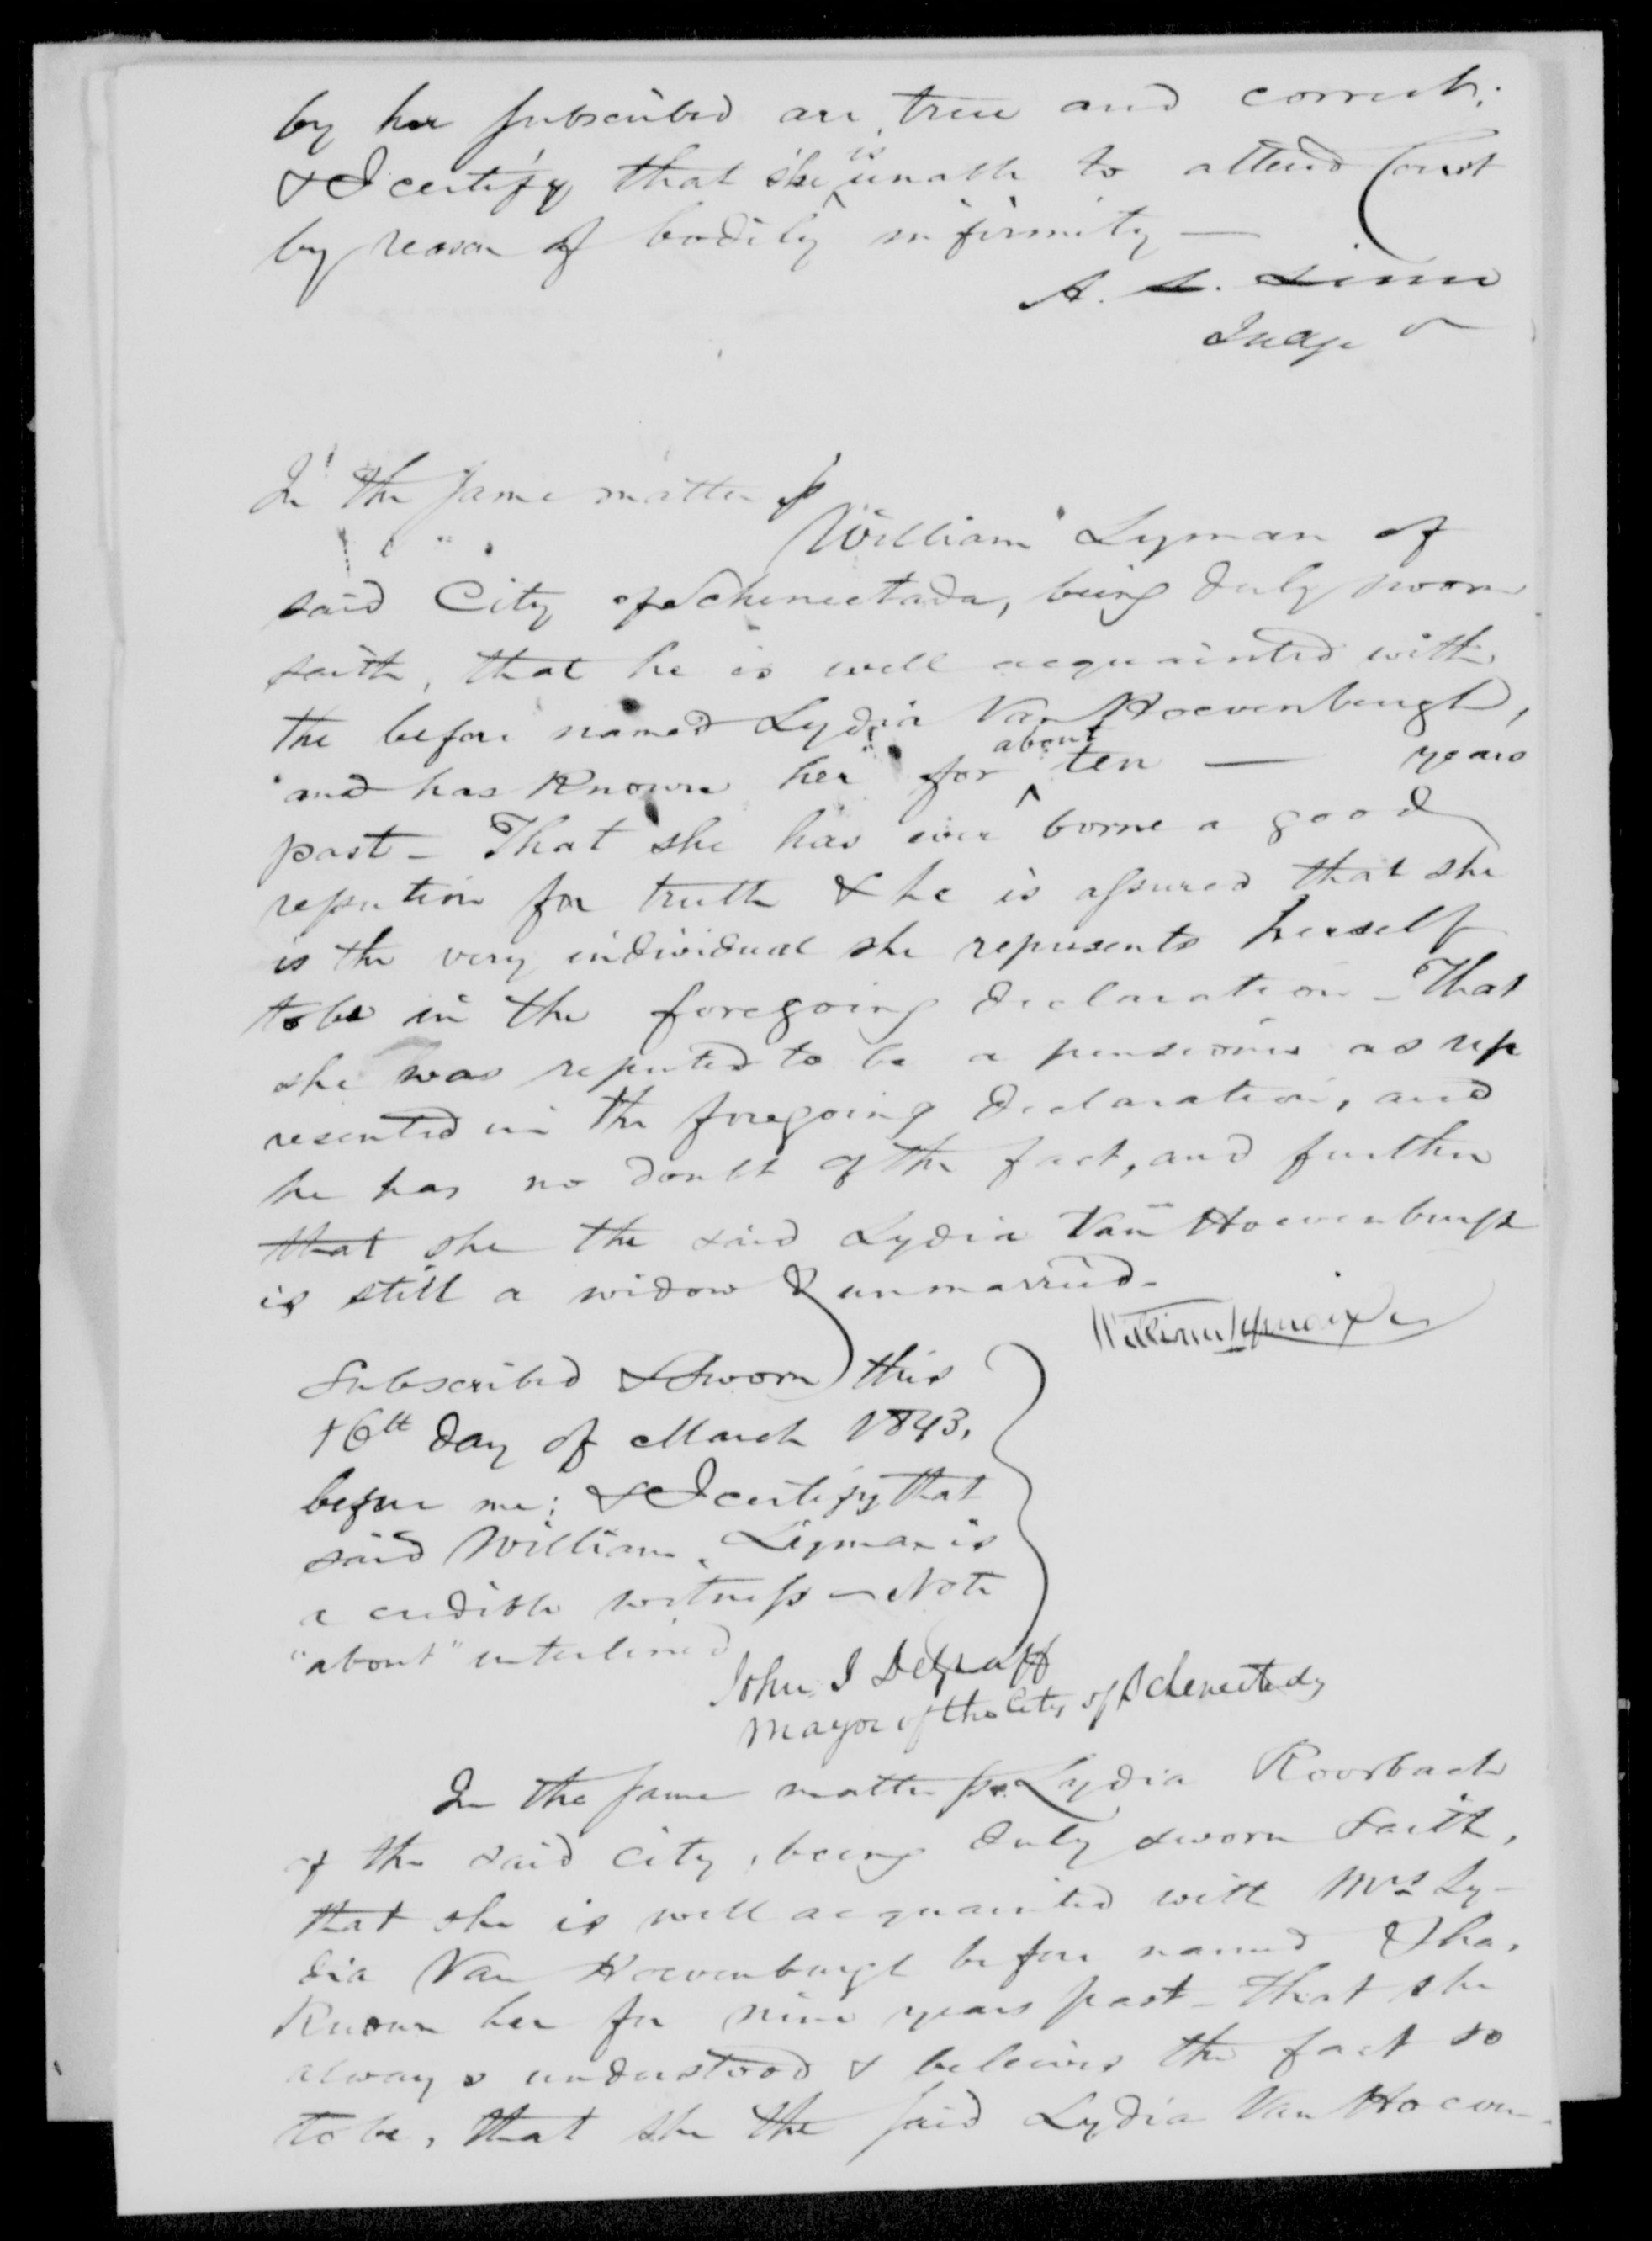by her subscribed are true and correct & I certify that she is unable to attend Court by reason of bodily infirmity-
A. S. Linn
Judge
In the same matter, William Lyman of said City of Schenectada, being duly sworn saith, that he is well acquainted with the before named Lydia V. Hovenburgh, and has known her for about ten - years past. - That she has ever borne a good repution for truth & he is assured that she is the very individual she represents herself to be in the foregoing declaration - That she was reputed to be a pensioner as represented in the foregoing declaration, and he has no doubt of the fact, and further that she the said Lydia Van Hoevenburgh is
still a widow & unmarried.
William Humfries [signature]
Subscribed & Sworn this 16th day of March 1843, before me. & I certify that said William Lyman is a credible witness-- Note
"about" interlined
John I DeGraff
Mayor of the City of Schenectady
In the same matter Lydia Roorbach of the said City, being duly sworn saith, that she is well acquainted with Mrs Lydia Van Hoevenburgh before named & has known her for nine years past. That she always understood & believes the fact to
to be, that she the said Lydia Van Hoeven...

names: Lydia Van Hoevenburgh, A L Linn, William Lyman, William Lyman, William Lyman, John I De Graff, Lydia Van Hoevenburgh, Lydia Roorbach, Lyida Van Hoevenburgh, Lydia Van Hoevenburgh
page: 36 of 38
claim: widow's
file: W. 23324, Rudolphus Van Hoevenbergh, New York